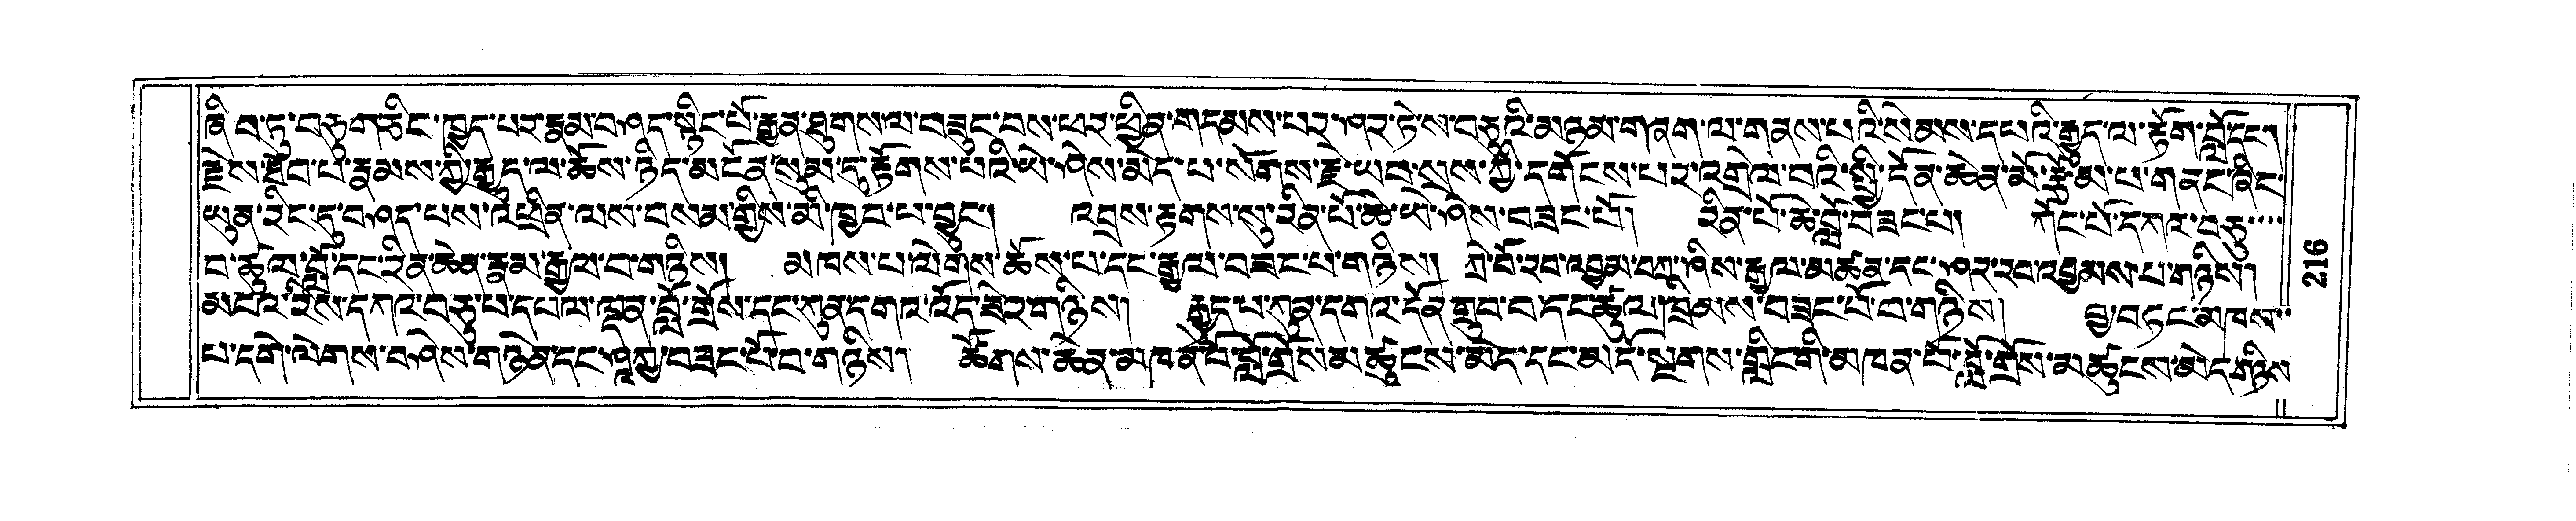ཞིབ་ཏུ་བཅུག་ཅིང་ཁྱད་པར་རྣམ་བཤད་སྙིང་པོ་རྒྱན་ཐུགས་ལ་བཟུང་བས་ཕར་ཕྱིན་གདམས་པར་ཤར་ཏེ་ས་བཅུའི་མཉམ་གཞག་ལ་གནས་པའི་སེམས་དཔའི་རྒྱུད་ལ་རྟོག་བློ་དང་།
རྗེས་ཐོབ་པ་རྣམས་ཀྱི་རྒྱུད་ལ་ཆོས་ཉིད་མངོན་སུམ་དུ་རྟོགས་པའི་ཡེ་ཤེས་མེད་པ་སོགས་རྗེ་ཡབ་སྲས་ཀྱི་དགོངས་པར་འགྲེལ་བའི་སྤྱི་དོན་ཆེན་མོ་རྩོམ་པ་གནང་ཞིང་
ཡུན་རིང་དུ་བཤད་པས་འཕྲིན་ལས་བསམ་གྱིས་མི་ཁྱབ་པ་བྱུང་། འབྲས་རྟགས་སུ་རིན་པོ་ཆེ་ཡེ་ཤེས་བཟང་པོ། རིན་པོ་ཆེ་བློ་བཟང་པ། ཀོང་པོ་དཀའ་བཅུ་
བ་ཚུལ་བློ་དང་རིན་ཆེན་རྣམ་རྒྱལ་བ་གཉིས། མཁས་པ་ལེགས་ཆོས་པ་དང་རྒྱལ་བཟང་པ་གཉིས། ཀྲེ་བོ་རབ་འབྱམ་བཀྲ་ཤིས་རྒྱལ་མཚན་དང་ཤར་རབ་འབྱམས་པ་གཉིས།
མངའ་རིས་དཀའ་བཅུ་པ་དཔལ་ལྡན་བློ་གྲོས་དང་ཀུན་དགའ་འོད་ཟེར་གཉིས། རྒྱུད་པ་ཀུན་དགའ་དོན་གྲུབ་བ་དང་ཚུལ་ཁྲིམས་བཟང་པོ་བ་གཉིས། བྱ་བཏང་མཁས་
པ་དགེ་ལེགས་བཤེས་གཉེན་དང་ཤཱཀྱ་བཟང་པོ་བ་གཉིས། ཚོགས་ཆེན་མཁན་པོ་བློ་གྲོས་མཚུངས་མེད་དང་མདོ་སྔགས་གླིང་གི་མཁན་པོ་བློ་གྲོས་མཚུངས་མེད་གཉིས་